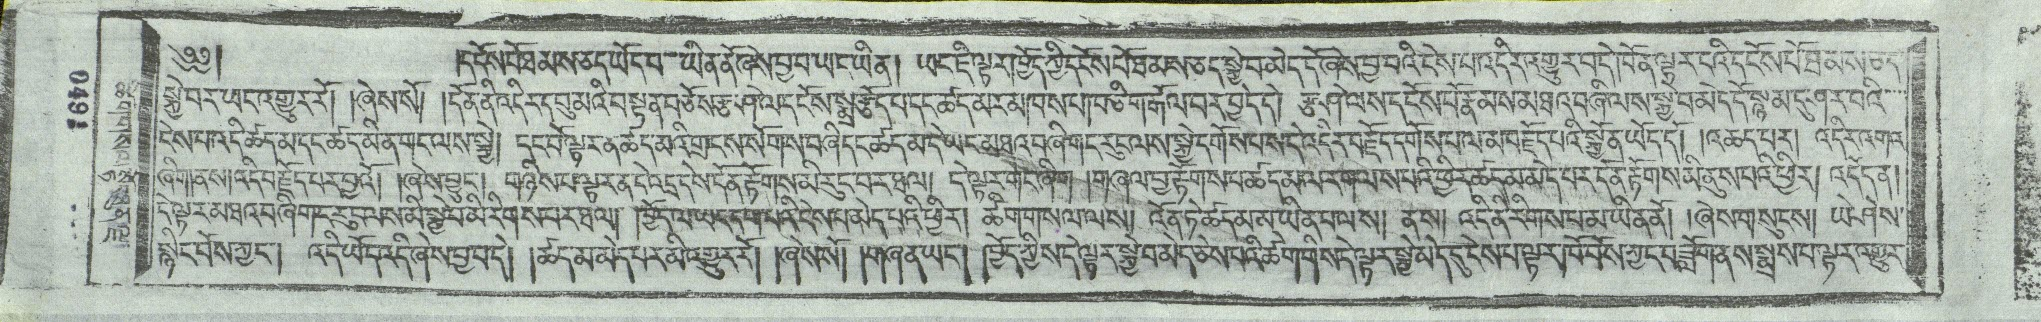༄༅། །དངོས་པོ་ཐམས་ཅད་ཡོད་པ་ཡིན་ནོ་ཞེས་བྱ་བ་ཡང་ཡིན། ཡང་ཇི་ལྟར་ཁྱོད་ཀྱི་དངོས་པོ་ཐམས་ཅད་སྐྱེ་བ་མེད་དོ་ཞེས་བྱ་བའི་ངེས་པ་འདིར་འགྱུར་བ་དེ་ཁོ་ན་ལྟར་ངའི་དངོས་པོ་ཐམས་ཅད་
སྐྱེ་བར་ཡང་འགྱུར་རོ། །ཞེས་སོ། །དོན་ནི་འདིར་དབུ་མའི་བསྟན་བཅོས་རྩ་ཤེ་ལ་དངོས་སྨྲ་རྩོད་པ་དང་ཚད་མར་མཁས་པ་ཁ་ཅིག་རྒོལ་བར་བྱེད་དེ། རྩ་ཤེ་ལས་དངོས་པོ་རྣམས་མཐའ་བཞི་ལས་སྐྱེ་བ་མེད་དོ་སྙམ་དུ་ཤར་བའི་
ངེས་པ་འདི་ཚད་མ་དང་ཚད་མིན་གང་ལས་སྐྱེ། དང་པོ་ལྟར་ན་ཚད་མའི་གྲངས་སོགས་བཞི་དང་ཚད་མ་དེ་ཡང་མཐའ་བཞི་གང་རུང་ལས་སྐྱེ་དགོས་པས་དེ་འདིར་བརྗོད་དགོས་པ་ལ་མ་བརྗོད་པའི་སྐྱོན་ཡོད་དོ། །འཆད་པར། འདིར་འགའ་
ཞིག། ནས། འདི་བརྗོད་པར་བྱའོ། །ཞེས་བྱུང་། གཉིས་པ་ལྟར་ན་དེ་འདྲ་དེས་དོན་རྟོགས་མི་རུང་བར་ཐལ། དེ་ལྟར་གང་ཞིག །གཞལ་བྱ་རྟོགས་པ་ཚད་མ་ལ་རག་ལས་པའི་ཕྱིར་ཚད་མ་མེད་པར་དོན་རྟོགས་མི་ནུས་པའི་ཕྱིར། འདོད་ན།
དེ་ལྟར་མཐའ་བཞི་གང་རུང་ལས་མི་སྐྱེ་བ་མི་རིགས་པར་ཐལ། ཁྱོད་ལ་ཡང་དག་པའི་ངེས་པ་མེད་པའི་ཕྱིར། ཚིག་གསལ་ལས། འོན་ཏེ་ཚད་མ་མ་ཡིན་པ་ལས། ནས། འདི་ནི་རིགས་པ་མ་ཡིན་ནོ། །ཞེས་གསུངས། ཡེ་ཤེས་
སྙིང་པོས་ཀྱང་། འདི་ཡོད་འདི་ཞེས་བྱ་བ་དེ། །ཚད་མ་མེད་པར་མི་འགྱུར་རོ། །ཞེས་སོ། །གཞན་ཡང་། ཁྱོད་ཀྱིས་དེ་ལྟར་སྐྱེ་བ་མེད་ཅེས་པའི་ཚིག་གིས་དེ་ལྟར་སྐྱེ་མེད་དུ་ངེས་པ་ལྟར་ཁོ་བོས་ཀྱང་བཟློག་ནས་སྨྲས་པ་ལྟར་འགྱུར་